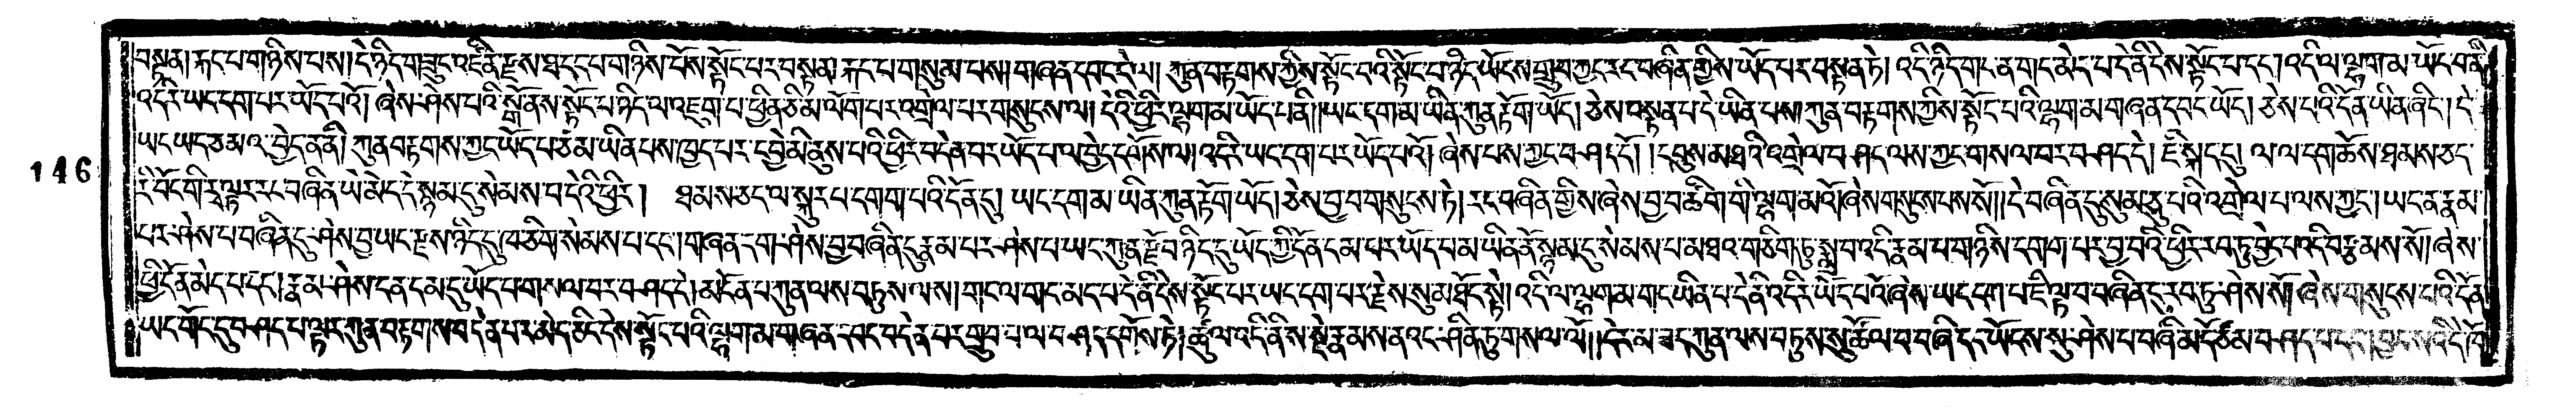བསྟན། རྐང་པ་གཉིས་པས། དེ་ཉིད་གཟུང་འཛིན་རྫས་ཐ་དད་པ་གཉིས་པོས་སྟོང་པར་བསྟན། རྐང་པ་གསུམ་པས། གཞན་དབང་དེ་ལ། ཀུན་བརྟགས་ཀྱིས་སྟོང་བའི་སྟོང་པ་ཉིད་ཡོངས་གྲུབ་ཀྱང་རང་བཞིན་གྱིས་ཡོད་པར་བསྟན་ཏེ། འདི་ཉིད་གང་ན་གང་མེད་པ་དེ་ནི་དེས་སྟོང་པ་དང་། འདི་ལ་ལྷག་མ་ཡོད་པ་ནི་
འདིར་ཡང་དག་པར་ཡོད་པའོ། ཞེས་ཤེས་པའི་སྒོ་ནས་སྟོང་པ་ཉིད་ལ་འཇུག་པ་ཕྱིན་ཅི་མ་ལོག་པར་འགྲེལ་པར་གསུངས་ལ། དེའི་ཕྱིར་ལྷག་མ་ཡོད་པ་ནི། །ཡང་དག་མ་ཡིན་ཀུན་རྟོག་ཡོད། ཅེས་བསྟན་པ་དེ་ཡིན་པས། ཀུན་བརྟགས་ཀྱིས་སྟོང་པའི་ལྷག་མ་གཞན་དབང་ཡོད། ཅེས་པའི་དོན་ཡིན་ཞིང་། དེ་
ཡང་ཡོད་ཙམ་ལ་བྱེད་ན་ནི། ཀུན་བརྟགས་ཀྱང་ཡོད་པ་ཙམ་ཡིན་པས་ཁྱད་པར་དབྱེ་མི་ནུས་པའི་ཕྱིར་བདེན་བར་ཡོད་པ་ལ་བྱེད་དགོས་ལ། འདིར་ཡང་དག་པར་ཡོད་པའོ། ཞེས་པས་ཀྱང་བཤད་དོ། །དབུས་མཐའི་འགྲེལ་བཤད་ལས་ཀྱང་གསལ་བར་བཤད་དེ། ཇི་སྐད་དུ། ལ་ལ་དག་ཆོས་ཐམས་ཅད་
རི་བོང་གི་རྭ་ལྟར་རང་བཞིན་ཡེ་མེད་དེ་སྙམ་དུ་སེམས་པ་དེའི་ཕྱིར། ཐམས་ཅད་ལ་སྐུར་པ་དགག་པའི་དོན་དུ། ཡང་དག་མ་ཡིན་ཀུན་རྟོག་ཡོད། ཅེས་བྱ་བ་གསུངས་ཏེ། རང་བཞིན་གྱིས་ཞེས་བྱ་བ་ཚིག་གི་ལྷག་མའོ། ཞེས་གསུངས་པས་སོ། །དེ་བཞིན་དུ་སུམ་ཅུ་པའི་འགྲེལ་པ་ལས་ཀྱང་། ཡང་ན་རྣམ་
པར་ཤེས་པ་བཞིན་དུ་ཤེས་བྱ་ཡང་རྫས་ཉིད་དུ་ཁ་ཅིག་སེམས་པ་དང་། གཞན་དག་ཤེས་བྱ་བཞིན་དུ་རྣམ་པར་ཤེས་པ་ཡང་ཀུན་རྫོབ་ཉིད་དུ་ཡོད་ཀྱི་དོན་དམ་པར་ཡོད་པ་མ་ཡིན་ནོ་སྙམ་དུ་སེམས་པ་མཐའ་གཅིག་ཏུ་སྨྲ་བ་འདི་རྣམ་པ་གཉིས་དགག་པར་བྱ་བའི་ཕྱིར་རབ་ཏུ་བྱེད་པ་འདི་བརྩམས་སོ། ཞེས་
ཕྱི་དོན་མེད་པ་དང་། རྣམ་ཤེས་ངན་དམ་དུ་ཡོད་པ་གསལ་བར་བཤད་དེ། མངོན་པ་ཀུན་ལས་བཏུས་ལས། གང་ལ་གང་མང་པ་དེ་ནི་དེས་སྟོང་པར་ཡང་དག་པར་རྗེས་སུ་མཐོང་སྟེ། འདི་ལ་ལྷག་མ་གང་ཡིན་པ་དེ་ནི་འདིར་ཡོད་པའོ་ཞེས་ཡང་དག་པ་ཇི་ལྟ་བ་བཞིན་དུ་རབ་ཏུ་ཤེས་སོ། ཞེས་གསུངས་པའི་དོན་
ཡང་གོང་དུ་བཤད་པ་ལྟར་ཀུན་བརྟགས་བདེན་པར་མེད་ཅིང་དེས་སྟོང་པའི་ལྷག་མ་གཞན་དབང་བདེན་པར་གྲུབ་པ་ལ་བཤད་དགོས་ཏེ། ཚུལ་འདི་ནི་ས་སྡེ་རྣམས་ནའང་ཤིན་ཏུ་གསལ་ལོ། །དེར་མ་ཟད་ཀུན་ལས་བཏུས་སུ་ཚོལ་བ་བཞི་དང་ཡོངས་སུ་ཤེས་པ་བཞི་མདོ་ཙམ་བཤད་པ་དང་། བྱང་སའི་དེ་ཁོ་